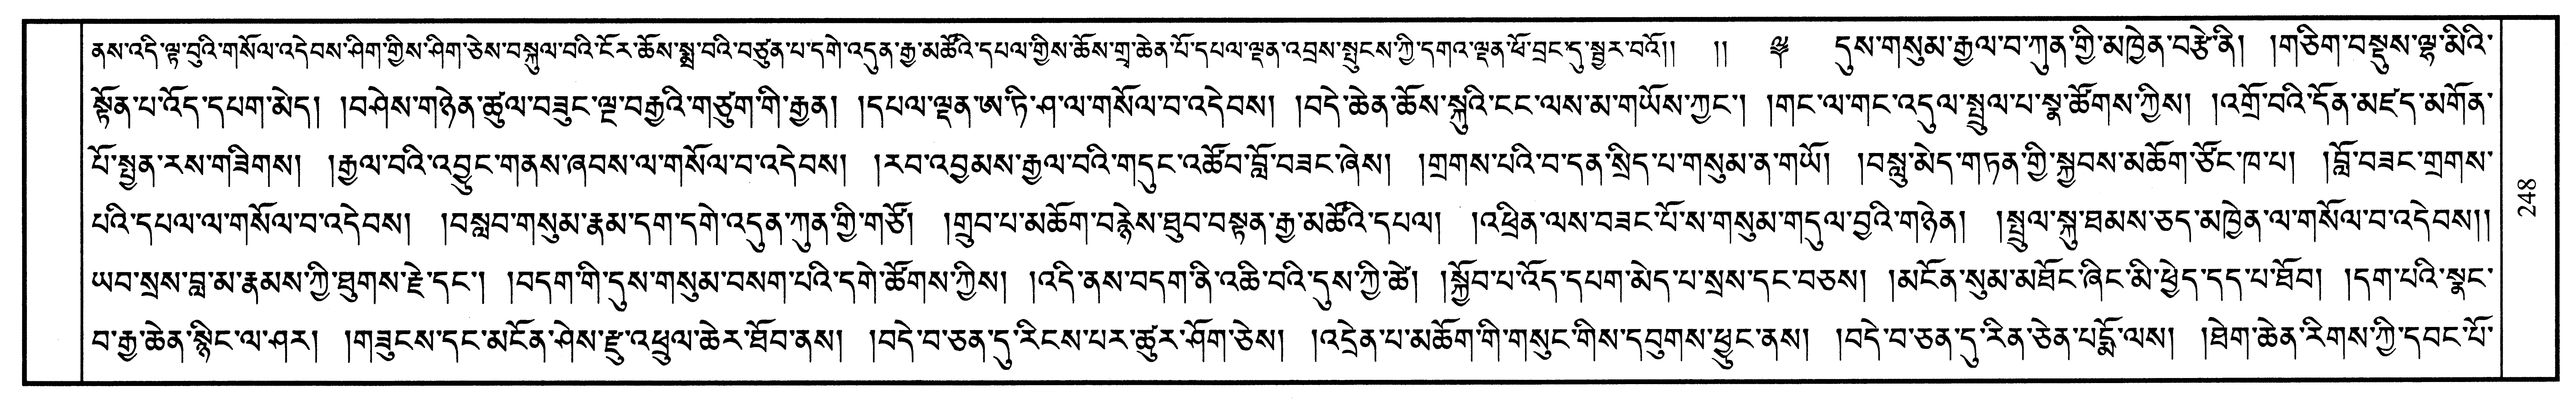ནས་འདི་ལྟ་བུའི་གསོལ་འདེབས་ཤིག་གྱིས་ཤིག་ཅེས་བསྐུལ་བའི་ངོར་ཆོས་སྨྲ་བའི་བཙུན་པ་དགེ་འདུན་རྒྱ་མཚོའི་དཔལ་གྱིས་ཆོས་གྲྭ་ཆེན་པོ་དཔལ་ལྡན་འབྲས་སྤུངས་ཀྱི་དགའ་ལྡན་ཕོ་བྲང་དུ་སྦྱར་བའོ།། །། ༈ དུས་གསུམ་རྒྱལ་བ་ཀུན་གྱི་མཁྱེན་བརྩེ་ནི། །གཅིག་བསྡུས་ལྷ་མིའི་
སྟོན་པ་འོད་དཔག་མེད། །བཤེས་གཉེན་ཚུལ་བཟུང་ལྔ་བརྒྱའི་གཙུག་གི་རྒྱན། །དཔལ་ལྡན་ཨ་ཏི་ཤ་ལ་གསོལ་བ་འདེབས། །བདེ་ཆེན་ཆོས་སྐུའི་ངང་ལས་མ་གཡོས་ཀྱང་། །གང་ལ་གང་འདུལ་སྤྲུལ་པ་སྣ་ཚོགས་ཀྱིས། །འགྲོ་བའི་དོན་མཛད་མགོན་
པོ་སྤྱན་རས་གཟིགས། །རྒྱལ་བའི་འབྱུང་གནས་ཞབས་ལ་གསོལ་བ་འདེབས། །རབ་འབྱམས་རྒྱལ་བའི་གདུང་འཚོབ་བློ་བཟང་ཞེས། །གྲགས་པའི་བ་དན་སྲིད་པ་གསུམ་ན་གཡོ། །བསླུ་མེད་གཏན་གྱི་སྐྱབས་མཆོག་ཙོང་ཁ་པ། །བློ་བཟང་གྲགས་
པའི་དཔལ་ལ་གསོལ་བ་འདེབས། །བསླབ་གསུམ་རྣམ་དག་དགེ་འདུན་ཀུན་གྱི་གཙོ། །གྲུབ་པ་མཆོག་བརྙེས་ཐུབ་བསྟན་རྒྱ་མཚོའི་དཔལ། །འཕྲིན་ལས་བཟང་པོ་ས་གསུམ་གདུལ་བྱའི་གཉེན། །སྤྲུལ་སྐུ་ཐམས་ཅད་མཁྱེན་ལ་གསོལ་བ་འདེབས། །
ཡབ་སྲས་བླ་མ་རྣམས་ཀྱི་ཐུགས་རྗེ་དང་། །བདག་གི་དུས་གསུམ་བསག་པའི་དགེ་ཚོགས་ཀྱིས། །འདི་ནས་བདག་ནི་འཆི་བའི་དུས་ཀྱི་ཚེ། །སྐྱོབ་པ་འོད་དཔག་མེད་པ་སྲས་དང་བཅས། །མངོན་སུམ་མཐོང་ཞིང་མི་ཕྱེད་དད་པ་ཐོབ། །དག་པའི་སྣང་
བ་རྒྱ་ཆེན་སྙིང་ལ་ཤར། །གཟུངས་དང་མངོན་ཤེས་རྫུ་འཕྲུལ་ཆེར་ཐོབ་ནས། །བདེ་བ་ཅན་དུ་རིངས་པར་ཚུར་ཤོག་ཅེས། །འདྲེན་པ་མཆོག་གི་གསུང་གིས་དབུགས་ཕྱུང་ནས། །བདེ་བ་ཅན་དུ་རིན་ཅེན་པདམོ་ལས། །ཐེག་ཆེན་རིགས་ཀྱི་དབང་པོ་